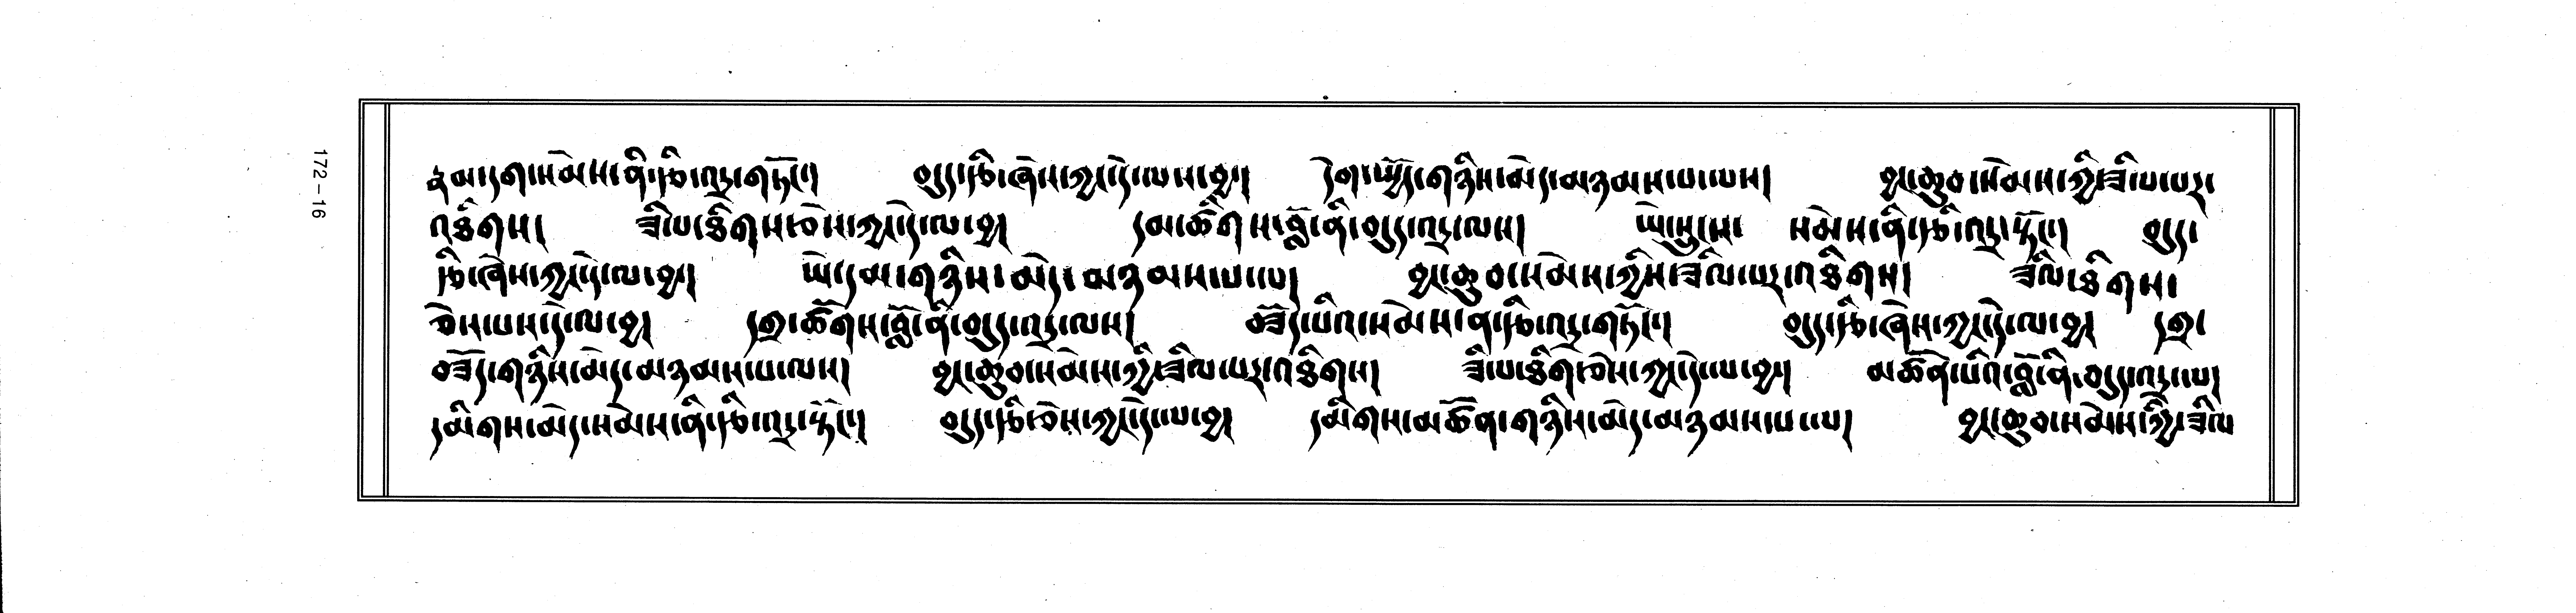རྣམ་དག་སེམས་ནི་རྩི་འདྲ་གཏོང་། བདུད་རྩི་ཞེས་ཀྱང་དེ་ལ་བྱ། དགེ་སྤྱོད་གཉིས་མེད་མཉམས་པ་ལས། བྱང་ཆུབ་སེམས་ཀྱི་ཟིལ་པར་
འཐིགས། ཟིལ་ཐིགས་ཅེས་ཀྱང་དེ་ལ་བྱ། དམ་ཚིག་བློ་ནི་བདུད་འདྲ་ལ། ཡེ་སྲུངས་སེམས་ནི་རྩི་འདྲ་སྟོང་། བདུད་
རྩི་ཞེས་ཀྱང་དེ་ལ་བྱ། ཡེ་དམ་གཉིས་མེད་མཉམས་པ་ལས། བྱང་ཆུབ་སེམས་ཀྱིས་ཟིལ་པར་འཐིགས། ཟིལ་ཐིགས་
ཅེས་པས་དེ་ལ་བྱ། དགྲ་ཚོགས་བློ་ནི་བདུད་འདྲ་ལ། བཟོད་པའི་སེམས་ནི་རྩི་འདྲ་གཏོང་། བདུད་རྩི་ཞེས་ཀྱང་དེ་ལ་བྱ། དགྲ་
བཟོད་གཉིས་མེད་མཉམས་པ་ལས། བྱང་ཆུབ་སེམས་ཀྱི་ཟིལ་པར་འཐིགས། ཟིལ་ཐིག་ཅེས་ཀྱང་དེ་ལ་བྱ། མཚོན་པའི་བློ་ནི་བདུད་འདྲ་ལ། 
དམིགས་མེད་སེམས་ནི་རྩི་འདྲ་སྟོང་། བདུད་རྩི་ཞེས་ཀྱང་དེ་ལ་བྱ། དམིགས་མཚོན་གཉིས་མེད་མཉམ་པ་ལས། བྱང་ཆུབ་སེམས་ཀྱི་ཟིལ་